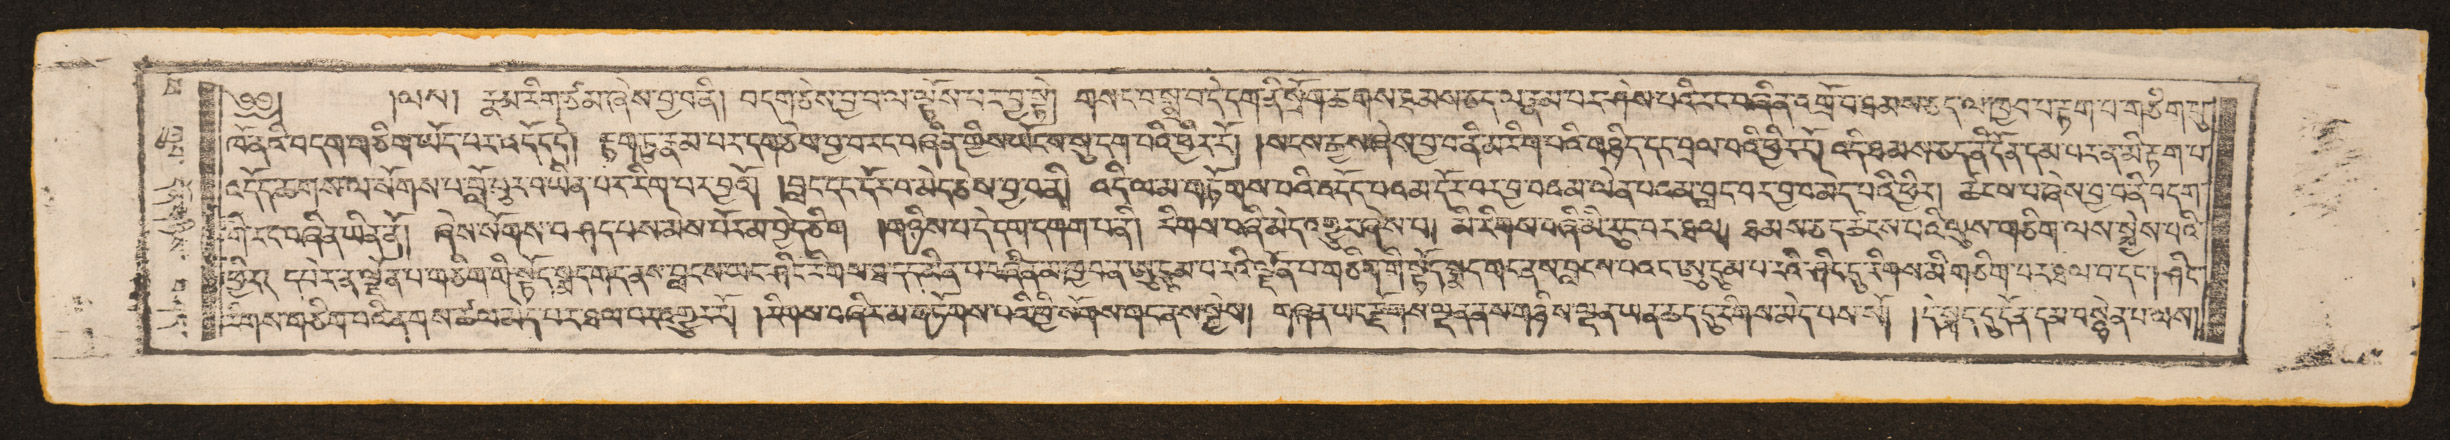༄༅། །ལས། རྣམ་རིག་ཙམ་ཞེས་བྱ་བ་ནི། བདག་ཅེས་བྱ་བ་ལ་ལྟོས་པར་བྱ་སྟེ། གསང་བ་སྨྲ་བ་དེ་དག་ནི་སྲོག་ཆགས་ཐམས་ཅད་ལ་རྣམ་པར་ཤེས་པའི་རང་བཞིན་འགྲོ་བ་ཐམས་ཅད་ལ་ཁྱབ་པ་རྟག་པ་གཅིག་བུ་
ཁོ་ནའི་བདག་གཅིག་ཡོད་བར་འདོད་དེ། རྟག་ཏུ་རྣམ་པར་དག་ཅེས་བྱ་བ་རང་བཞིན་གྱིས་ཡོངས་སུ་དག་པའི་ཕྱིར་རོ། །སངས་རྒྱས་ཞེས་བྱ་བ་ནི་མ་རིག་པའི་གཉིད་དང་བྲལ་བའི་ཕྱིར་རོ། འདི་ཐམས་ཅད་ནི་དོན་དམ་པར་ན་མི་རྟག་པ་
འདོད་ཆགས་ལ་སོགས་པ་གློ་བུར་བ་ཡིན་པར་རིག་པར་བྱའོ། །བླང་དང་དོར་བ་མེད་ཅེས་བྱ་བ་ནི། འདི་ལ་མ་གཏོགས་པའི་འདོད་པའམ་དོར་བར་བྱ་བའམ་ལེན་བའམ་བླང་བར་བྱ་བ་མེད་པའི་ཕྱིར། ཚངས་པ་ཞེས་བྱ་བ་ནི་བདག་
གི་རང་བཞིན་ཡིན་ནོ། ཞེས་སོགས་བཤད་པས་མེས་པོར་མ་བྱེད་ཅིག །གཉིས་བ་དེ་དག་དགག་པ་ནི། རིགས་བཞི་མེད་འགྱུར་ཞེས་པ། མི་རིགས་བཞི་མི་རུང་བར་ཐལ། ཐམས་ཅད་ཚངས་པའི་ལུས་གཅིག་ལས་སྐྱེས་པའི་
ཕྱིར༑ དཔེར་ན་ལྗོན་པ་གཅིག་གི་སྟོད་སྨད་གང་ནས་བླངས་ཡང་ཤིང་རིགས་ཐ་དད་མིན་པ་བཞིན་མ་ཁྱབ་ན་ཨུདུམ་པ་རའི་ལྗོན་པ་གཅིག་གི་སྟོད་སྨད་གང་ནས་བླངས་པའང་ཨུ་དུམ་པ་རའི་ཤིང་དུ་རིགས་མི་གཅིག་པར་ཐལ་བ་དང་། ཤིང་
རིགས་གཅིག་བའི་ནགས་ཚལ་མེད་པར་ཐལ་བར་འགྱུར་རོ། །རིགས་བཞིར་མ་གཏོགས་པའི་ཁྱི་སོགས་གང་ནས་སྐྱེས། གཞན་ཡང་རྫོགས་ལྡན་ནས་གཉིས་ལྡན་ཡན་ཆད་དུ་རིགས་མེད་པས་སོ། །དེ་སྐད་དུ་དོན་དམ་བསྙེན་པ་ལས།།